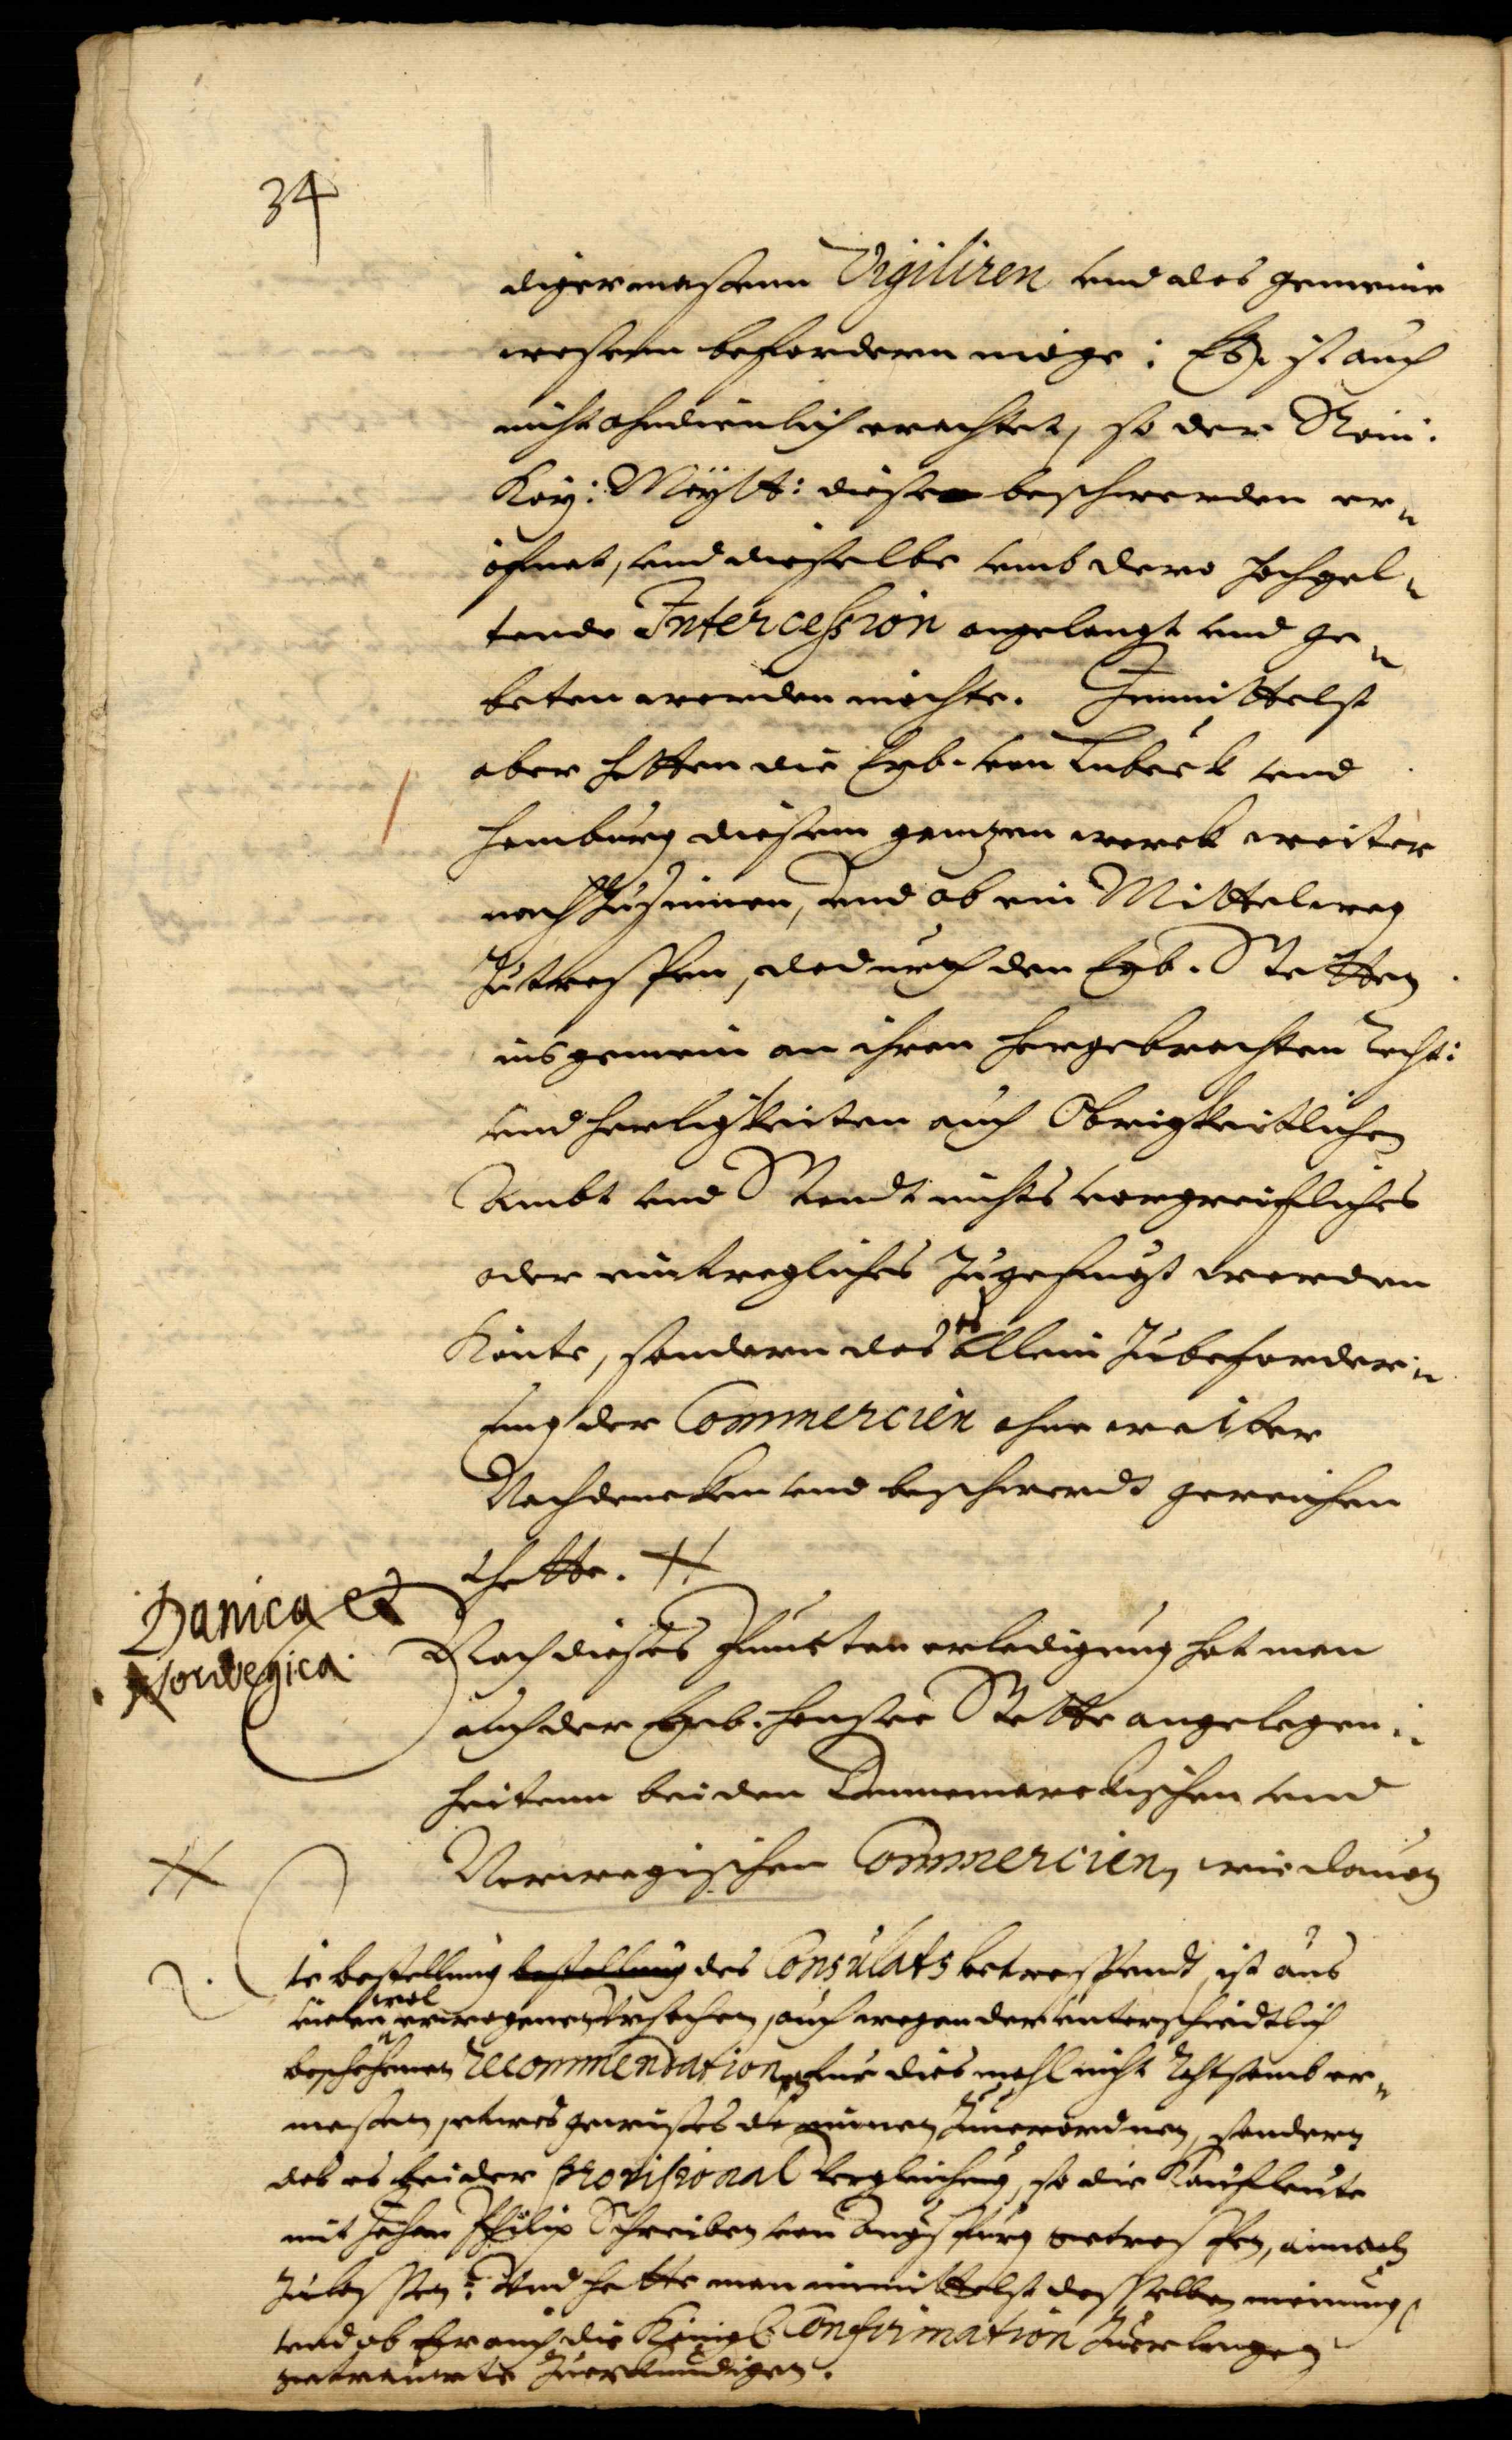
34
diger maßenn Vigiliren vnd des gemeine
wesenn befordern möge: Es ist auch
nicht ohndienlich erachtet, so der Röm:
Kaij: Maijtt: diese beschwerden er¬
öfnet, vnd dieselbe umb dero hochgel¬
tende Intercession angelangt vnd ge¬
beten werden möchte. Immittelst
aber hetten die Erb. von Lubeck vnd
hamburg diesem gantzen werck weiter
nach zu sinnen, vnd ob ein Mittelweg
zu treffen, dadurch den Erb. Stetten
insgemein an ihren hergebrachten recht:
vnd herligkeiten auch Obrigkeitlichen
ambt vnd Standt nichts vergreifliches
oder eintragliches zugefugt werden
könte, sondern das allein zubeforder¬
ung der Commercien ohne weiter
Nachdencken vnd beschwerdt gereichen
thette. #
#
Die bestellung bestellung des Consulats betreffendt ist aus
wol
vielen * erwogenen Vrsachen, auch wegen der vnterschiedtlich
beschehenen recommendationen, fur dies mahl nicht rahtsamb er¬
maßen, etwas gewißes darinnen zuverordnen, sondern
das es beider provisional Vergleichung, so die Kaufleute
mit Johan Philip Schreiben von Augspurg betreffen, annoch
zulassen: Vnd hette man inmittelst dasselben meinung,
vnd ob Er auch die königl. Confirmation zuerlangen
getrauwte zuerkundigen.
Nach dieses Puncten erledigung hat man
auch der Erb. hansee Stette angelegen¬
heitenn beiden Dennemarckischen vnd
Norwegischen Commercien, wie davon
Danica et
Norwegica
